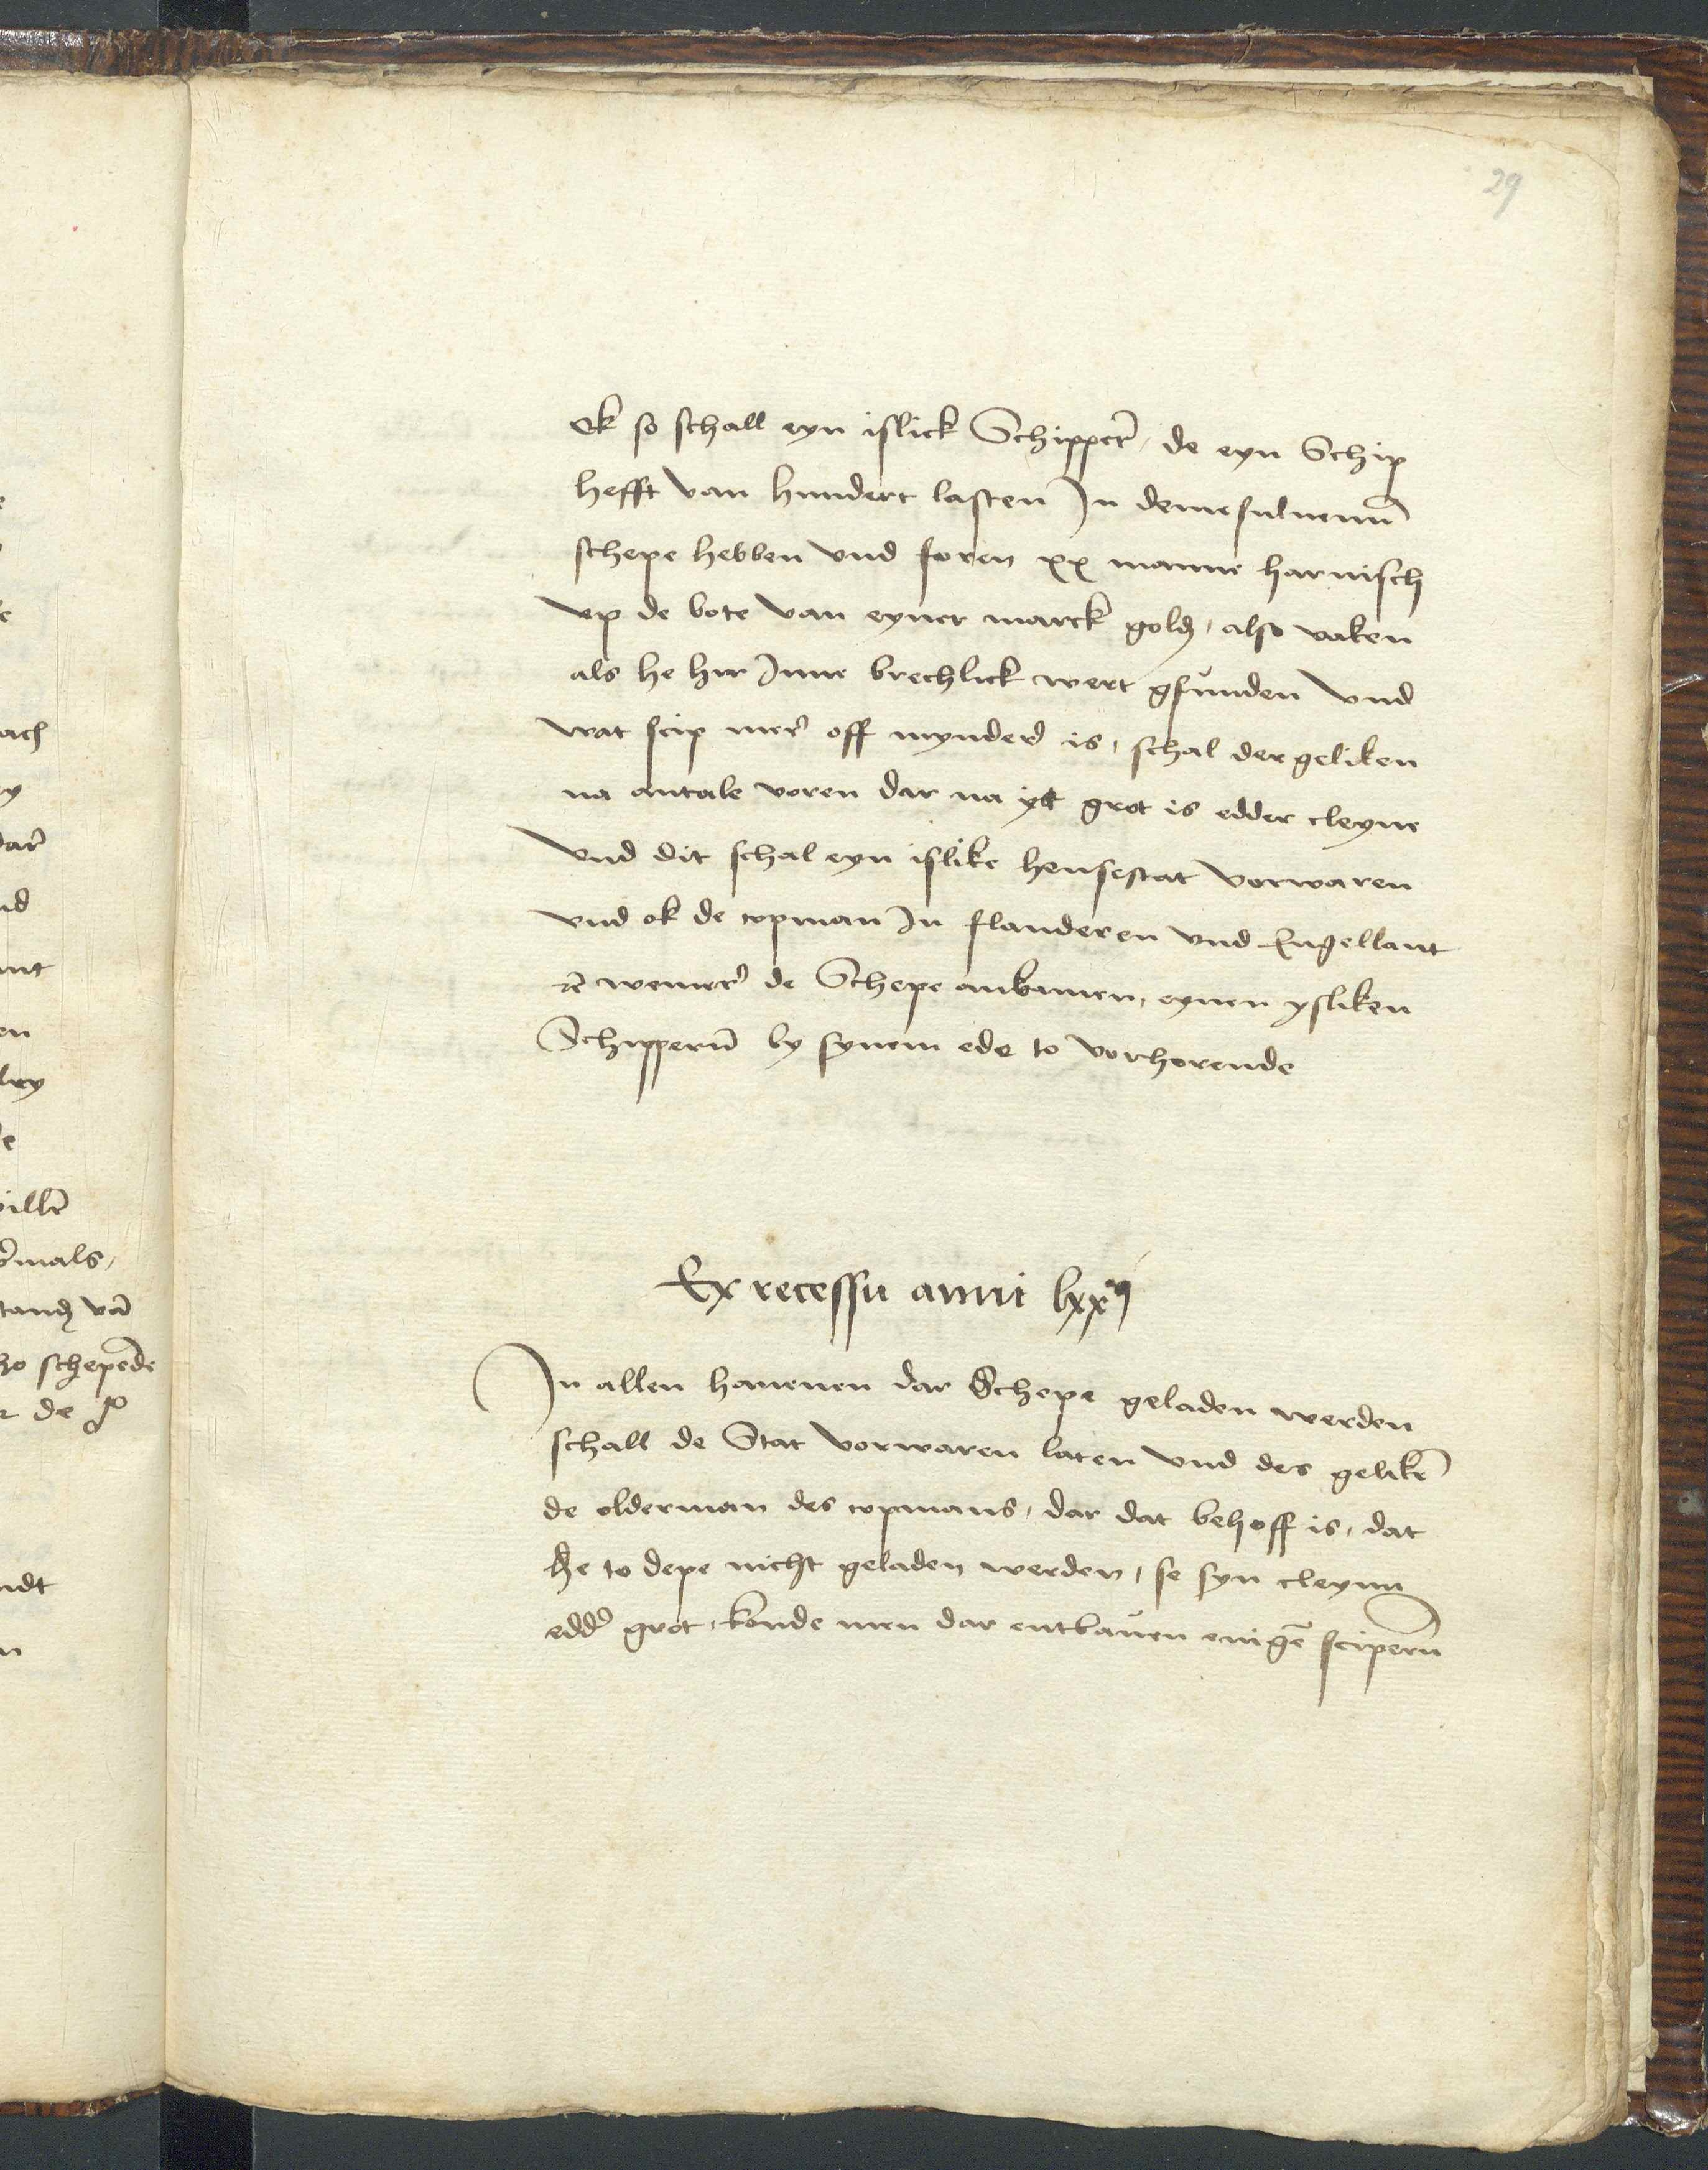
ok so schall eyn islick Schipper, de eyn Schip
hefft van hundert lasten Jn demesuluenn
schepe hebben vnd foren xx manne harnisch
vp de bote van eyner marck golden, also vaken
als he hir Jnne brechlick wert gfunden vnd
wat scip mer off mynder is, schal der gelicken
na antale voren dar na yt grot is edder cleyne
vnd dit schal eyn islike hensestat vorwaren
vnd ok de copman Jn flanderen vnd Engellant
etc wenner de Schepe anbauen eynen ysliken
Schepperen by synem ede to vorhorende
Ex recessu anni lxxj
Jn allen hauenen dar Schepe geladen werden
schall de Stat vorwaren laten vnd des geliken
de olderman der copmans, dar dat behoff is, dat
he to depe nicht geladen werden, se syn cleynn
edder grot, konde men dar entbauen enigen scipernn
